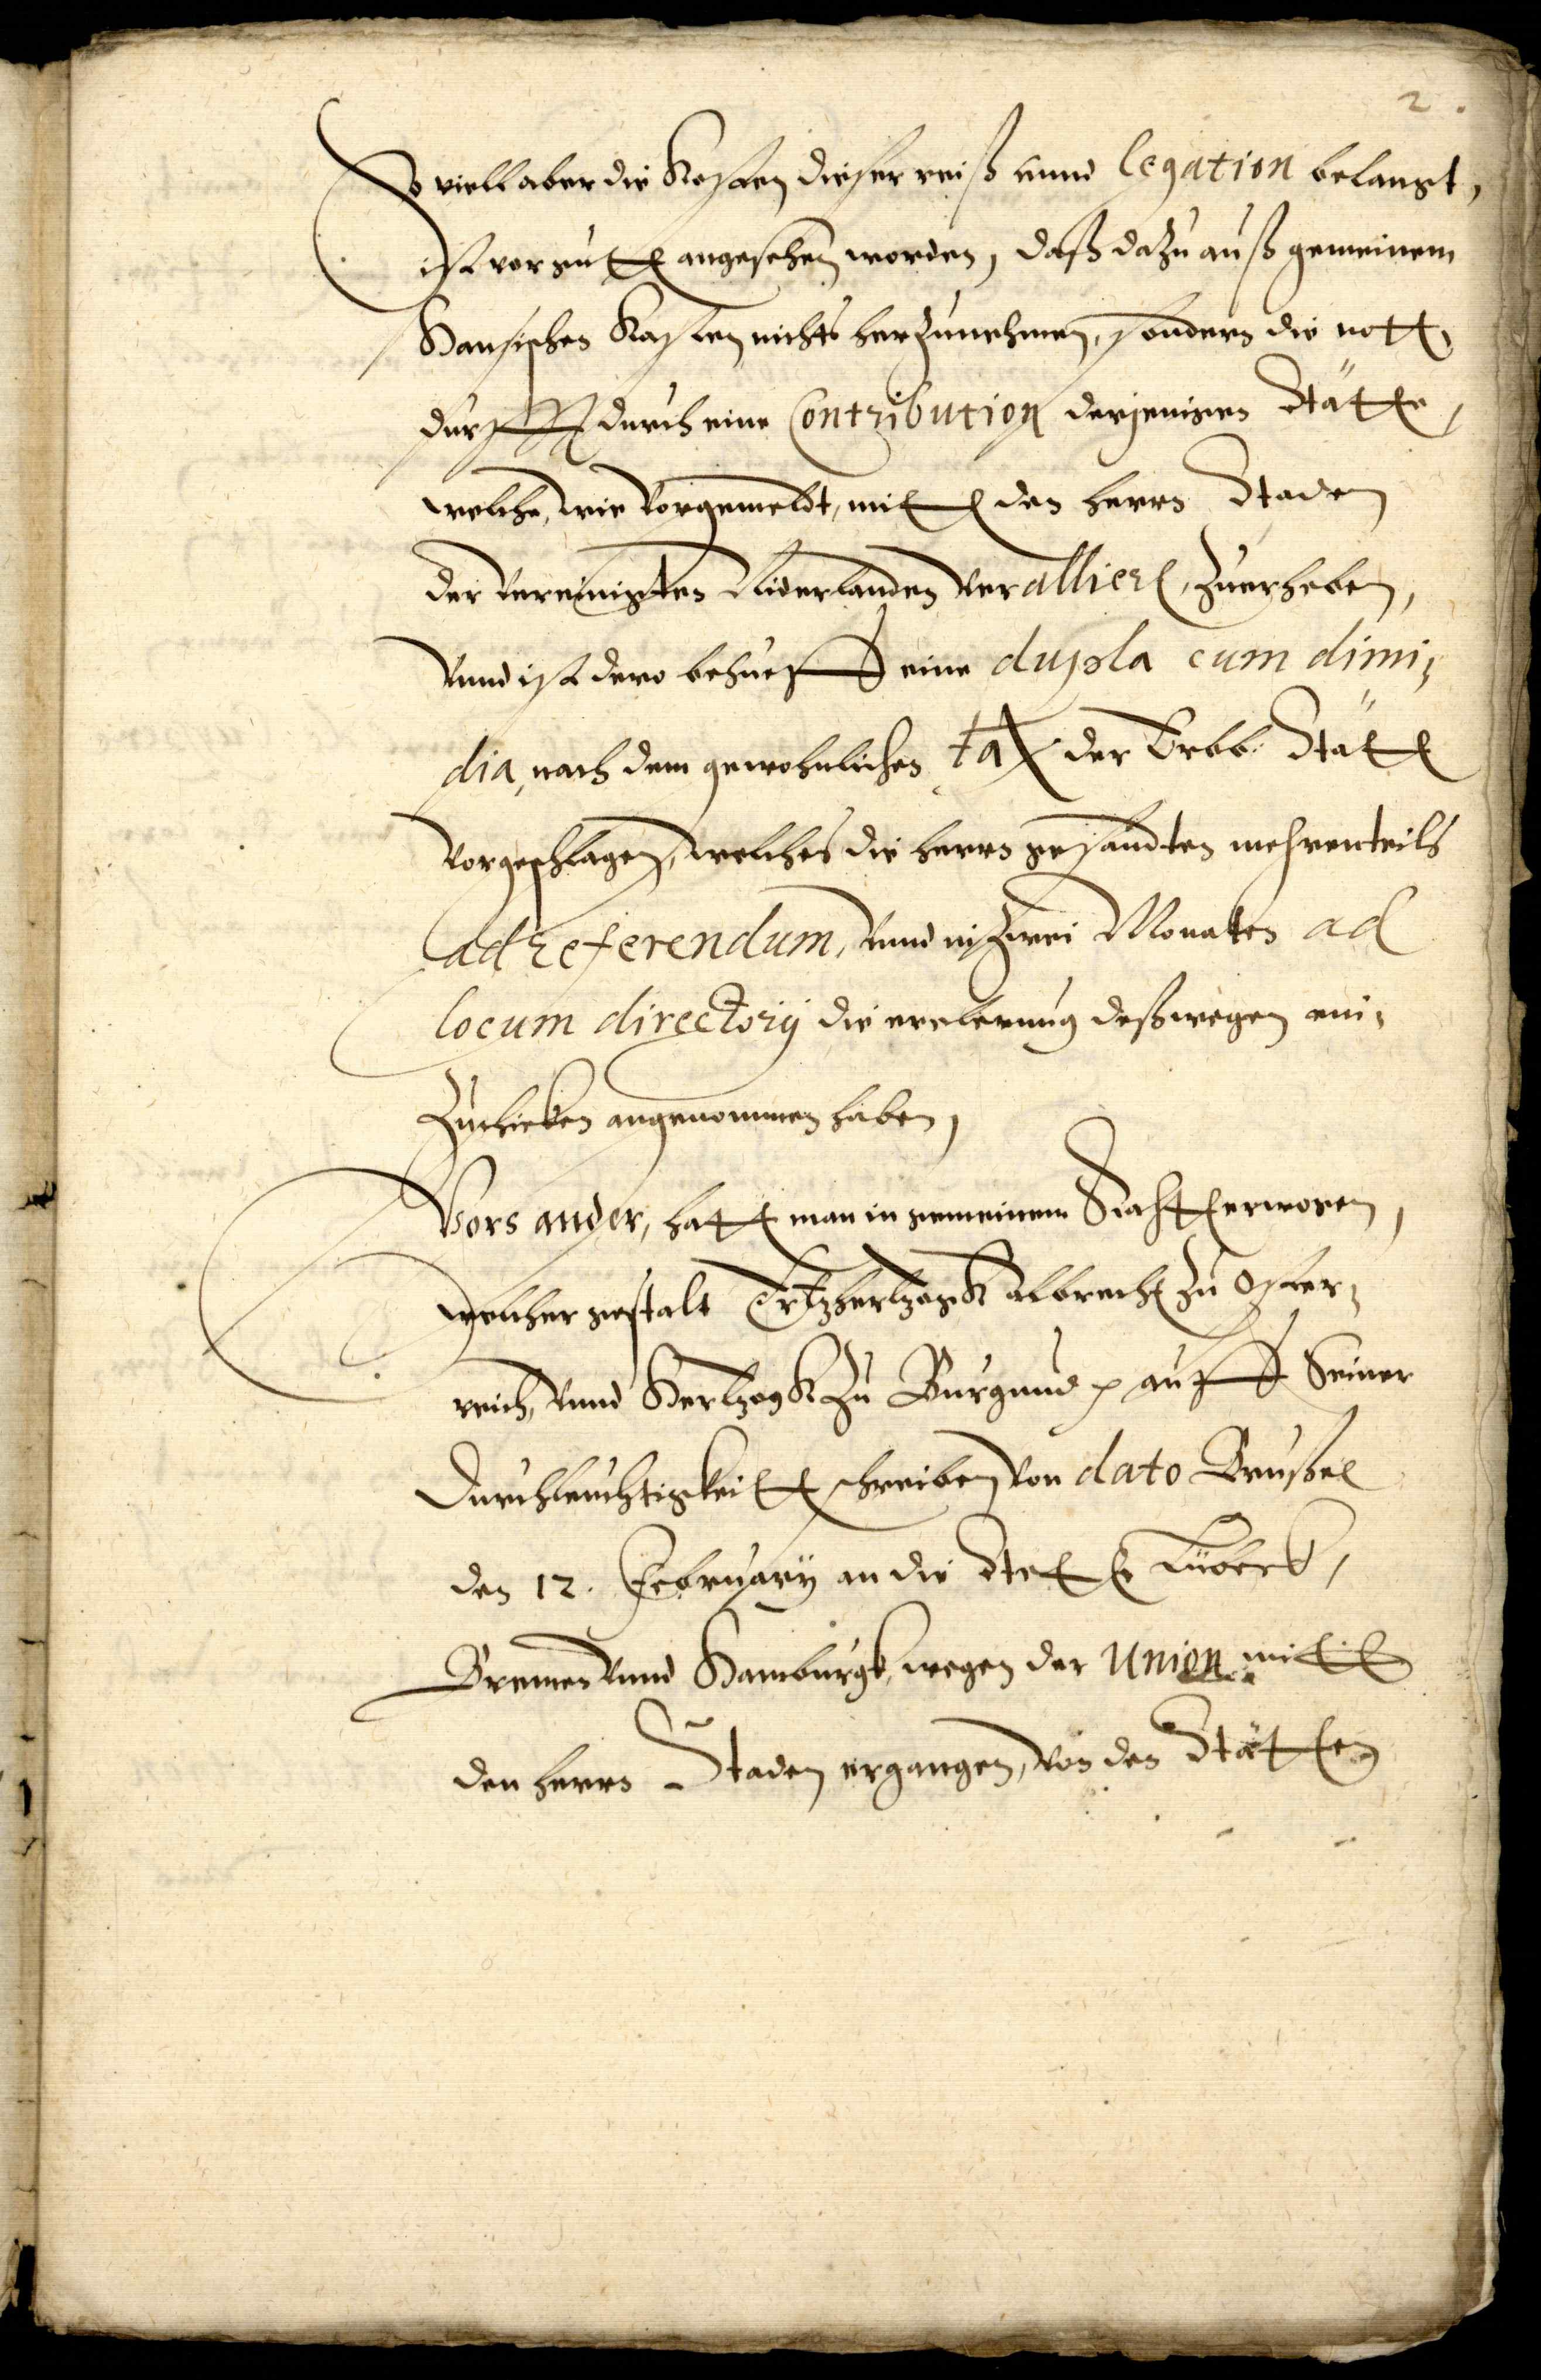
2.
So viell aber die kosten dieser reiß vnnd legation belangt,
ist vor gutt angesehen worden, daß dazu auß gemeinem
Hansischen Kasten nichts herzunehmen, sondern die nott¬
durfft durch eine Contribution derjenigen Stätte,
welche, wie vorgemeldt, mitt den herrn Staden
der Vereinigten Niderlanden veralliert, zuerheben,
vnnd ist dero behueff eine dupla cum dimi¬
dia, nach dem gewohnlichen tax der Erbb: Stätt
vorgeschlagen, welches die herrn gesandten mehrenteils
ad referendum, vnnd in zwei Monaten ad
locum directorij die erclerung deßwegen ein¬
zuschicken angenommen haben,
Vors ander, hatt man in gemeinem Rahtt erwogen,
welcher gestalt Ertzhertzogk albrecht zu Oster¬
reich, vnnd Hertzogk zu Burgund p auff seiner
durchleuchtigkeitt schreiben von dato Brußel
des 12. Februarij an die Stett Lübeck,
Bremen vnnd Hamburgk, wegen der union mitt
den herrn Staden ergangen, von den Stätten
